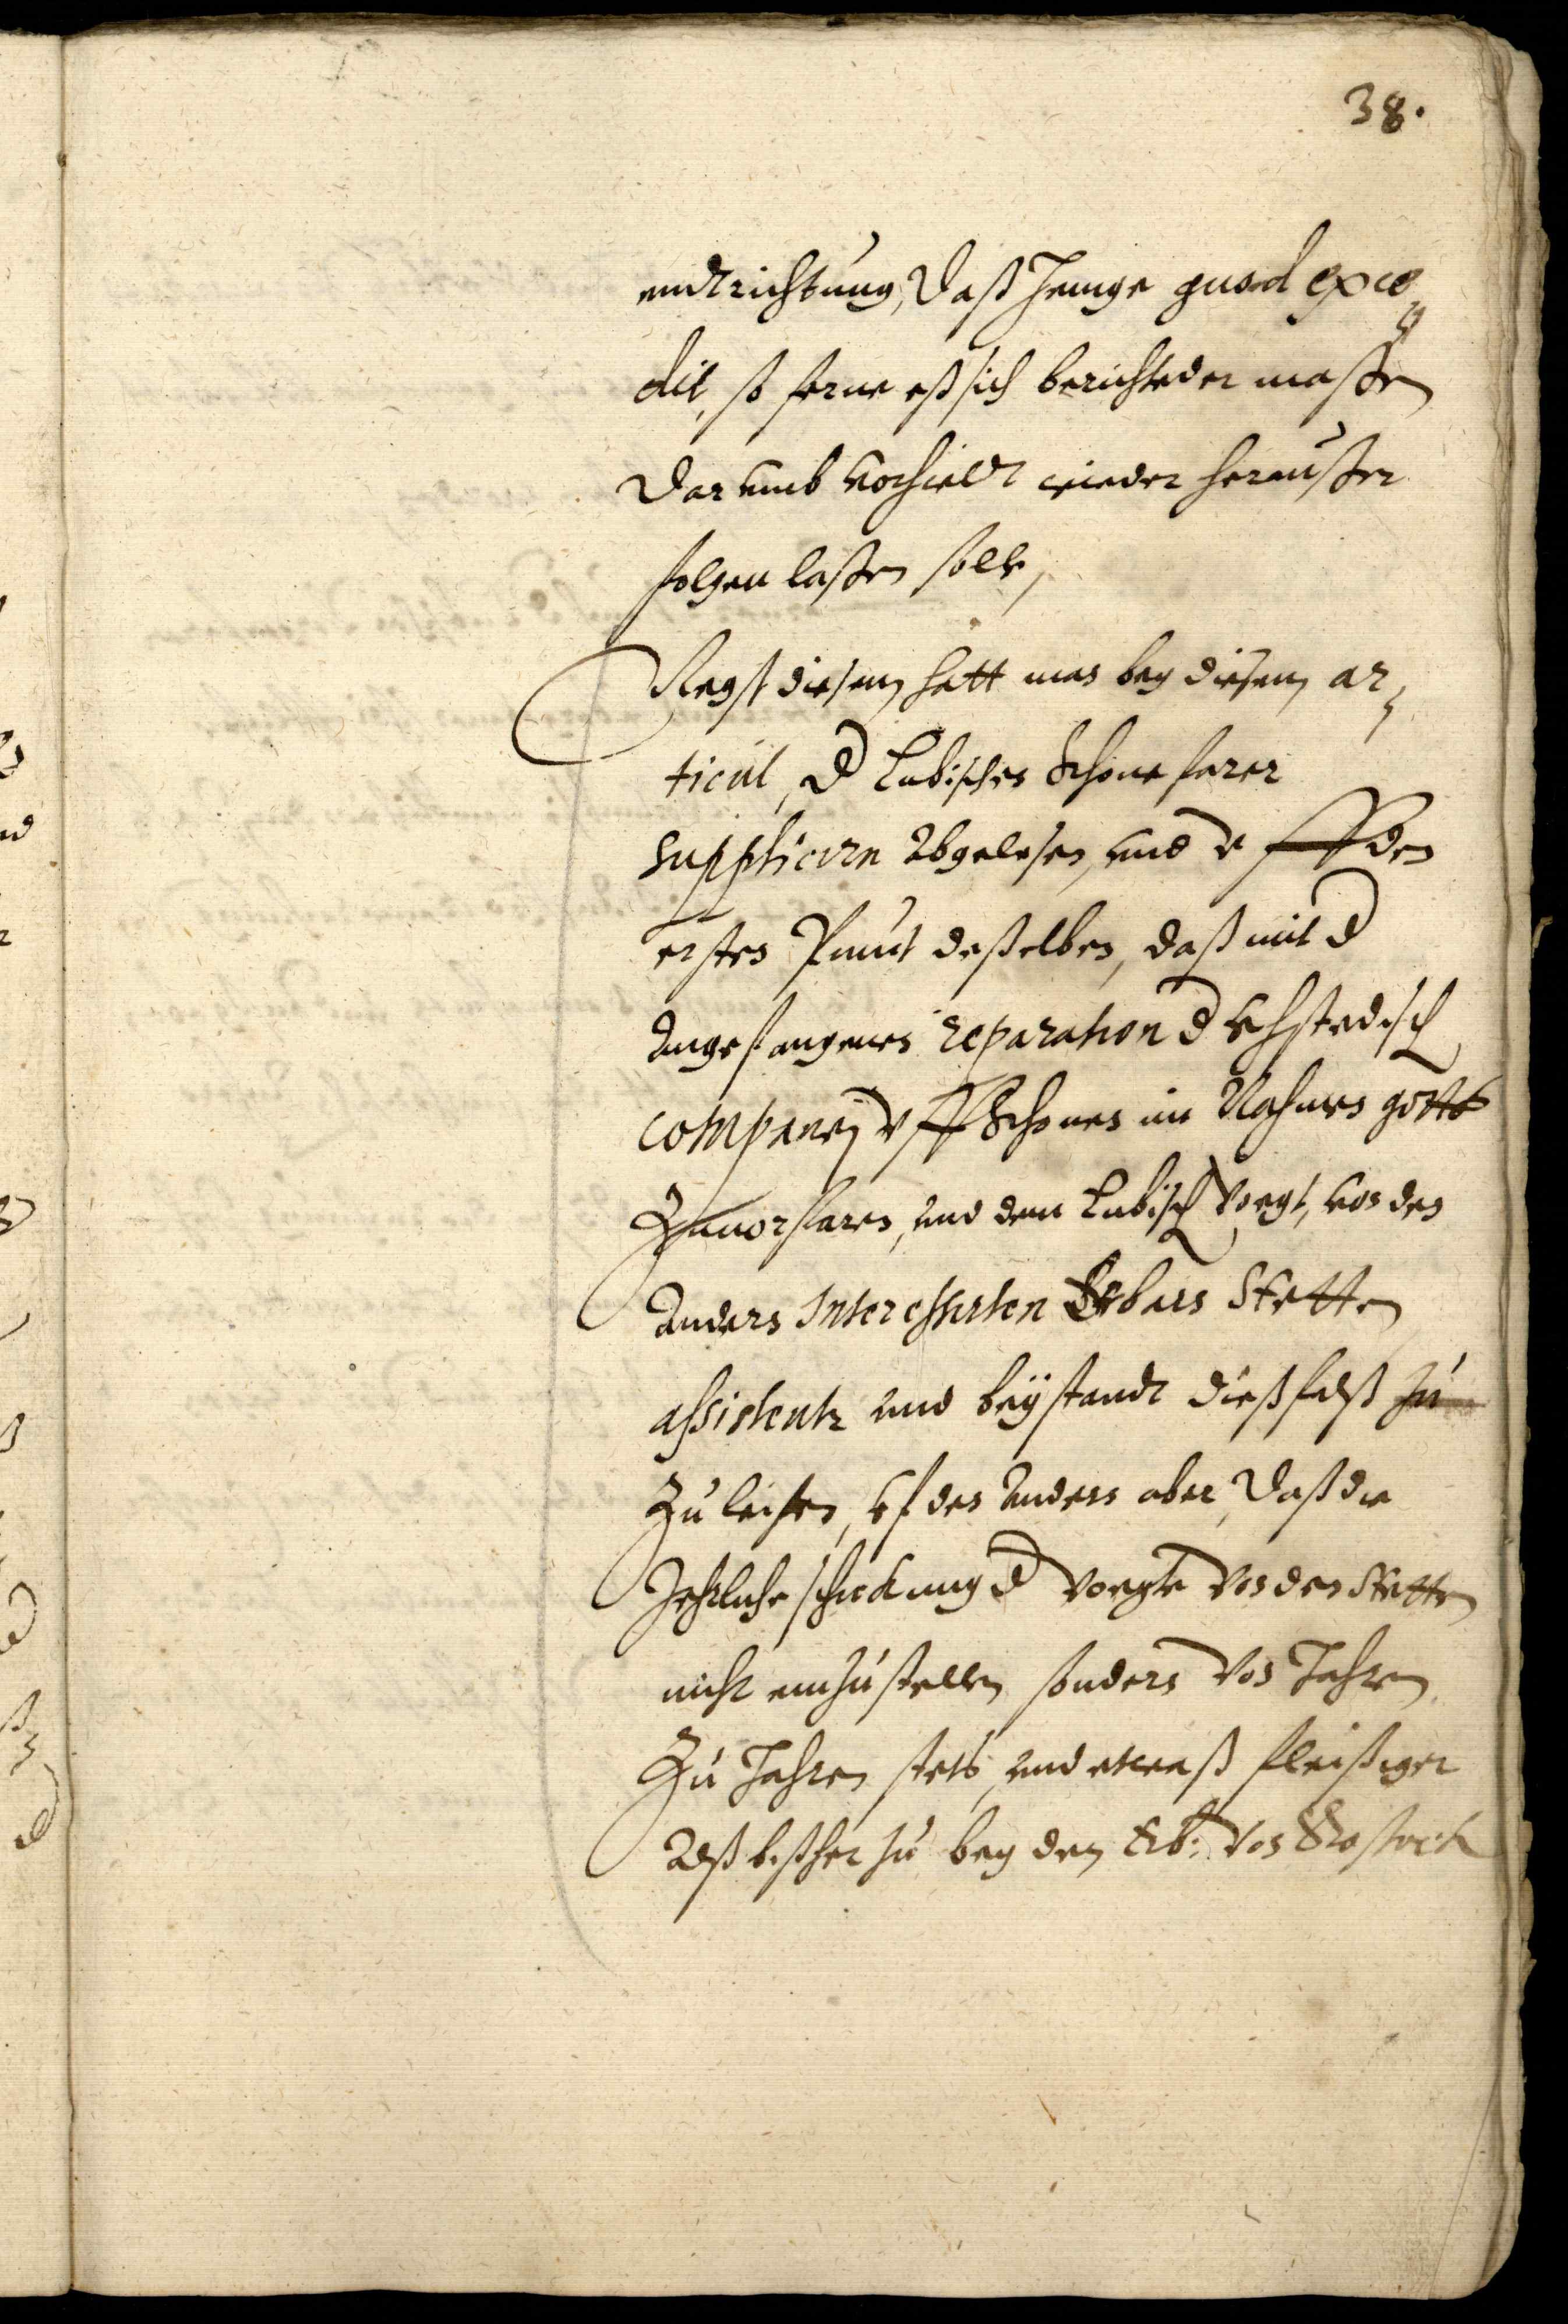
38.
endtrichtung, daß zeuge quod exce¬
dit, so ferne eß sich berichte? maßen
darvmb vorhieldt wieder heraußen
folgen laßen solle,
Negst diesem hatt man beij diesem ar¬
ticul, der Lubischen schonefarer
supplicirn Abgelesen, vnd vff den
ersten Punct deßelben, daß mit der
Angefangenen reparation der vffstendischen
companij vff schonen im Nahmen gottes
zwar faren, vnd dem Lubischen voegt, von den
Anderen Interessenten Erbarn Stetten
assistentz vnd beijstandt dießfalß zu
zuleisten, vf den Andern aber, daß die
Jehrliche schickung der voegte von den Stetten
nicht einzustellen sondern von Jahren
zu Jahren stets, vnd etwaß fleißiger
Als bißher zu beij den Erb: von Rostock
